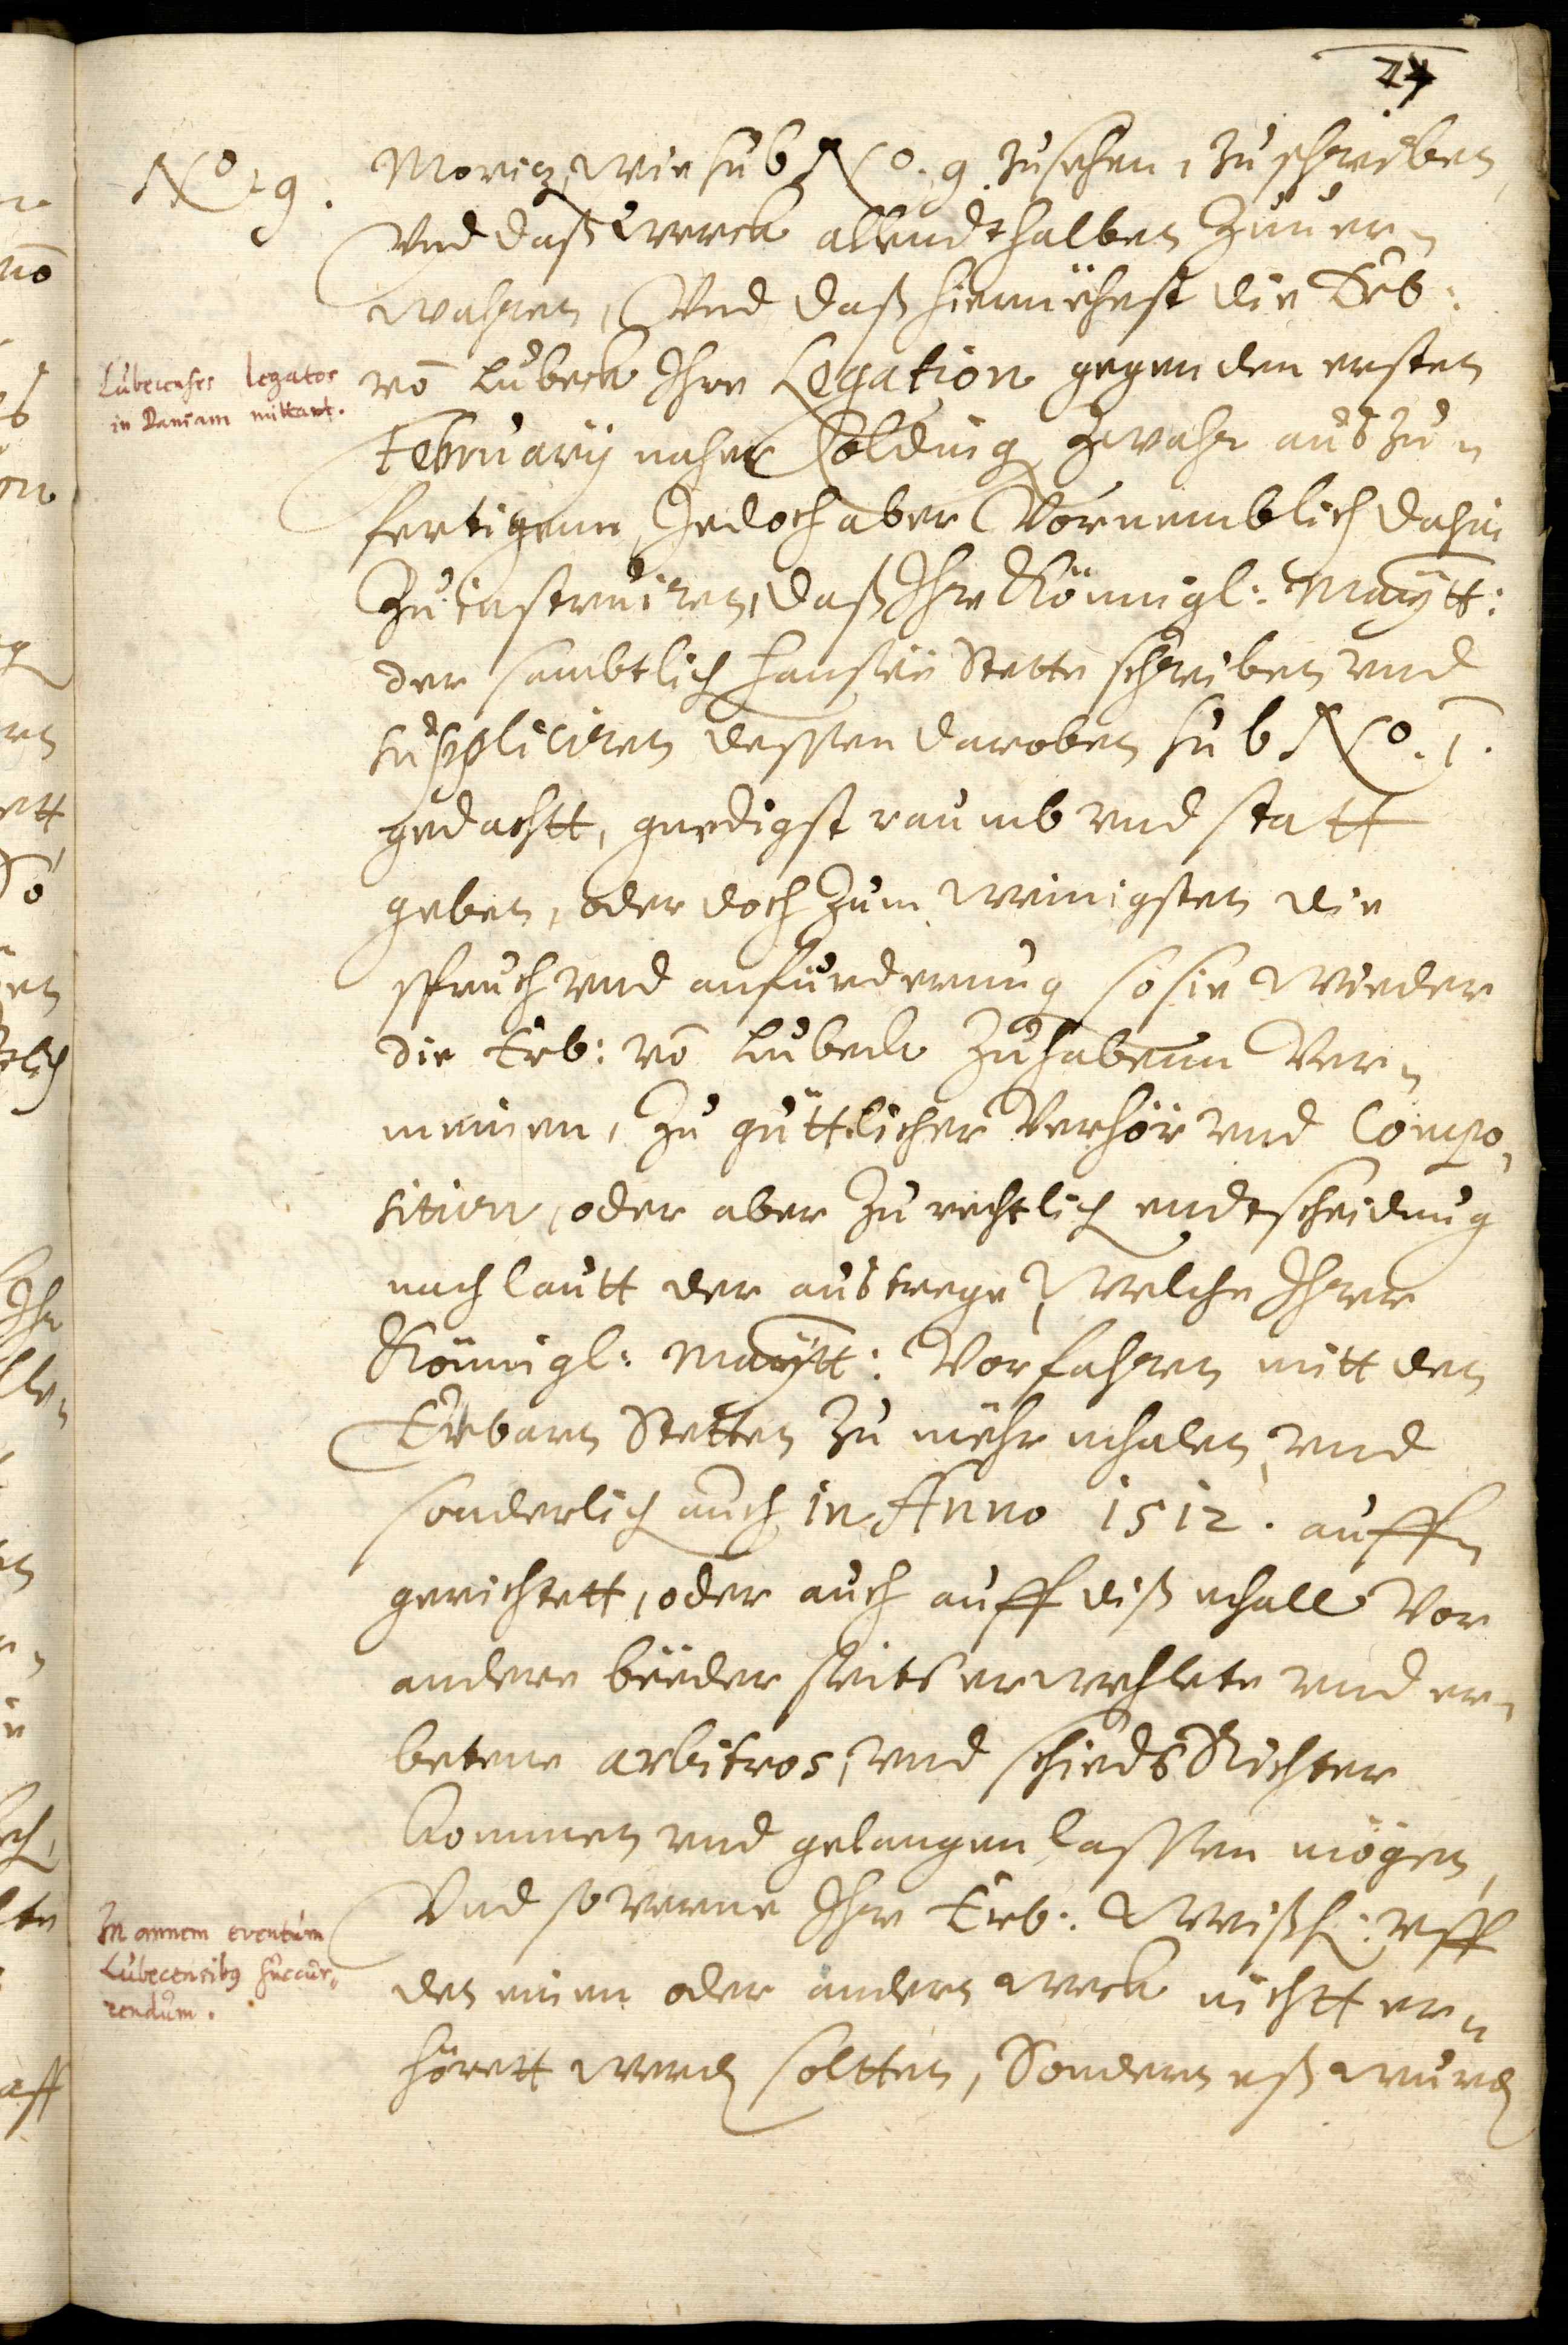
27
No. 9.
Moritzen, wie sub No. 9. zusehen, zu schreiben,
vnd daß werck allendthalben zuuer¬
wahren, Vnd daß hiernehest die Erb:
von Lubeck Ihre Legation gegen den ersten
Februarij naher Coldingen zwahr auszu¬
fertigenn, jedoch aber vornemblich dahin
zu instruiren, daß Ihre Könnigl. Maijtt:
der sambtlichen hanseë Stette schreiben vnd
suppliciren dessen daroben sub No.1.
gedachtt, gnedigst raumb vnd statt
geben, oder doch zum weinigsten die
spruch vnd anfürderungen, so sie wieder
die Erb: von Lubeck zu habenn Ver¬
meinen, zu güttlicher Verhör vnd Compo¬
sition, oder aber zu rechtlichen endtscheidung
nach lautt der austrege, Welche Ihrer
Könnigl. Maytt: Vorfahren mitt den
Erbarn Stetten zu mehr mhalen, vnd
sonderlichen auch in Anno 1512. auff¬
gerichtett, oder auch auff diß mhall Vor
andere beëder seits erwehlete vnd er¬
betene arbitros, vnd schieds Richter
kommen vnd gelangen lassen mögen,
Vnd so verne Ihr Erb: Wißh: vff
den einen oder andern weck nichtt er¬
hörett werden soltten, Sondern eß wurden
Lubecenses legator
in Daniam mittant.
in omnem eventum
Lubecensibus succur¬
rendum.
